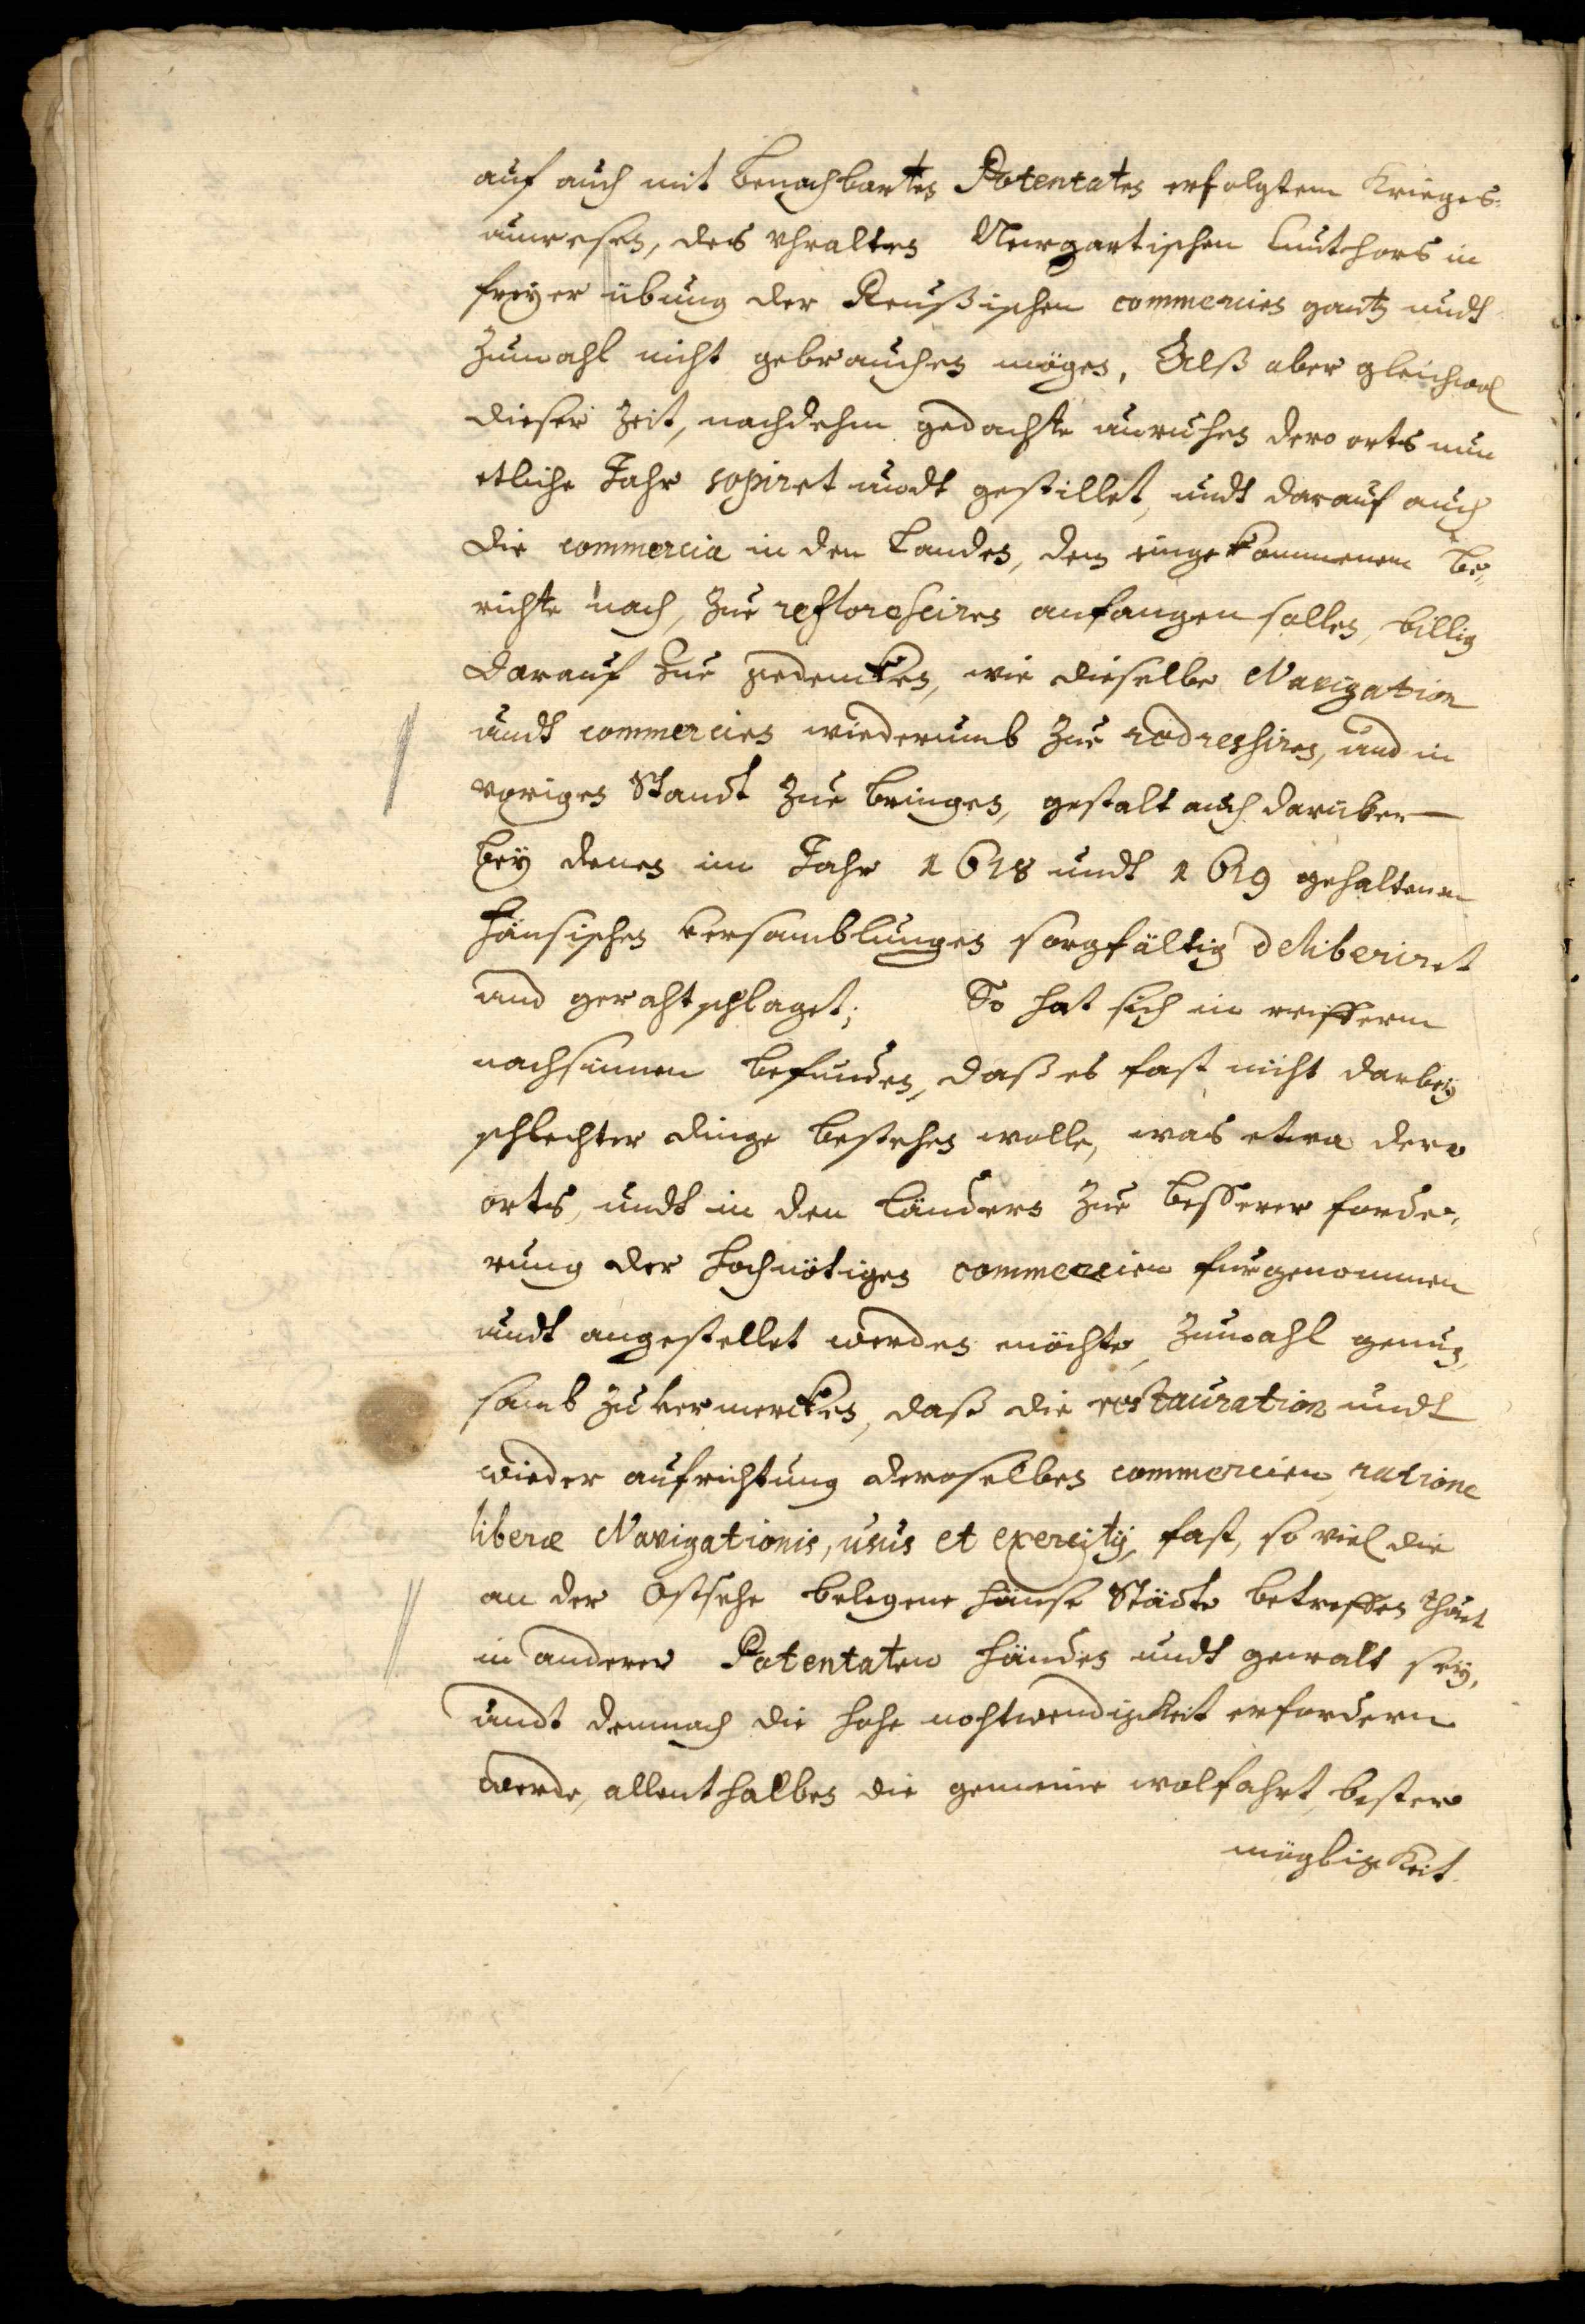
auf auch mit benachbarten Potentaten erfolgtem krieges¬
unwesen, des uhralten Newgartischen Cunthors in
freijer übung der Reußischen commercien gantz undt
zumahl nicht gebrauchen mögen, Alß aber gleichwol
dieser zeit, nachdehm gedachte unruhen dero orts nun
etliche Jahr sopiret undt gestillet, undt darauf auch
die commercia in den landen, dem eingekommenem be¬
richte nach, zue refloresciren anfangen sollen, billig
Darauf zue gedencken, wie dieselbe Navigation
undt commercien wiederumb zue redressiren, und in
vorigen Standt zue bringen, gestalt auch darüber
beij denen im Iahr 1618 undt 1619 gehaltenen
hänsischen Versamblungen sorgfältig deliberiret
und gerahtschlaget; So hat sich in reifferm
nachsinnen befunden, daß es fast nicht darbeij
schlechter dinge bestehen wolle, was etwa dero
orts, undt in den ländern zue besserer forde¬
rung der hochnötigen commercien furgenommen
undt angestellet werden möchte, Zumahl genug
samb Zu vermercken, daß die restauration undt
wieder aufrichtung deroselben commercien ratione
liberae Navigationis, usus et exercitij, fast, so viel die
an der Ostsehe belegene hänse Städte betreffen thut
in anderer Potentaten händen undt gewalt seij,
undt demnach die hohe nohtwendigkeit erfordern
werde, allenthalben die gemeine wolfahrt, bester
mögligkeit
